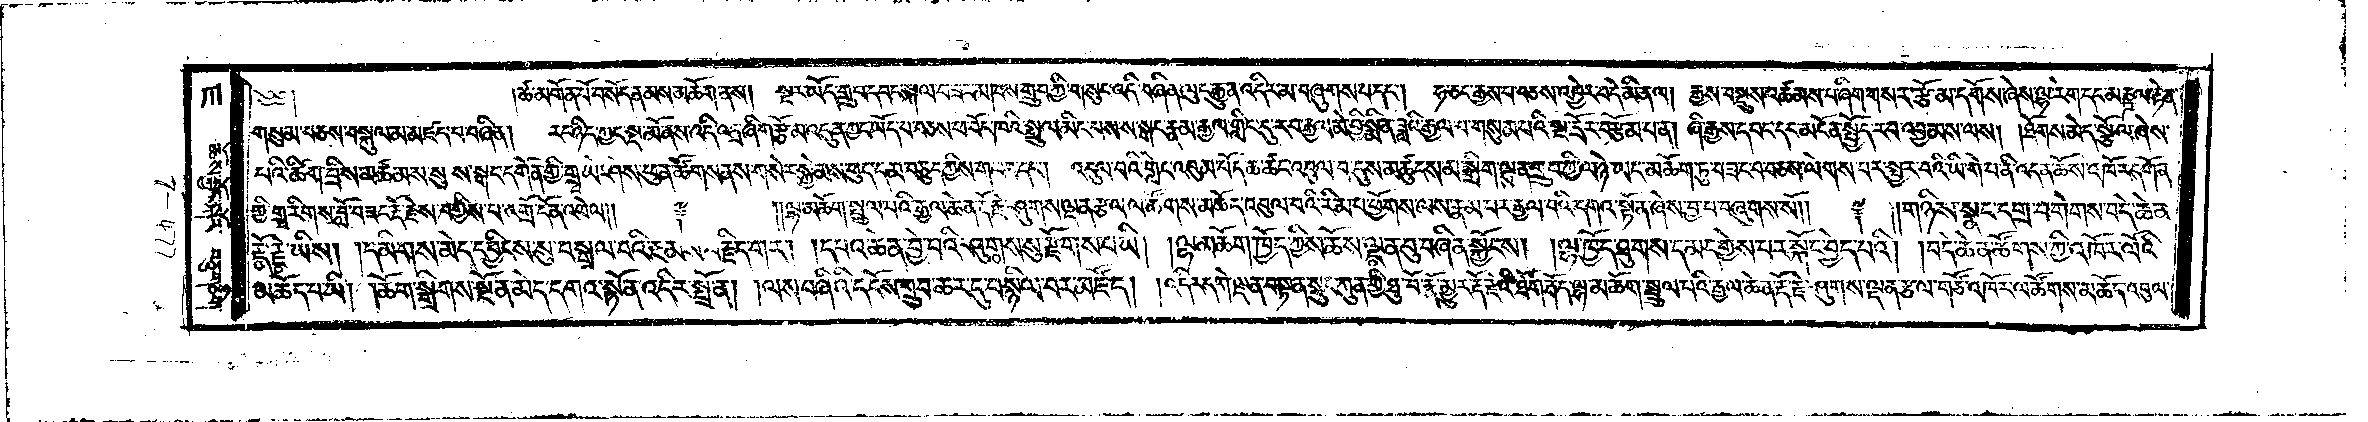༄༅། །ཚ་མགོན་པོ་བསོད་ནམས་མཆོག་ནས། སྔར་ཡོད་གྲུབ་དབང་སྐལ་བཟང་མཁས་གྲུབ་ཀྱི་གསུང་འདི་བཞིན་ལུང་རྒྱུན་འདིར་མ་བཞུགས་པ་དང་། ཧ་ཅང་རྒྱས་པ་བཅས་འཁྱེར་བདེ་མིན་ལ། རྒྱས་བསྡུས་འཚམས་པ་ཞིག་གསར་རྩོམ་དགོས་ཞེས་ལྷ་རེག་དང་མཎྜལ་རྟེན་
གསུམ་བཅས་བསྐུལ་མ་མཛད་པ་བཞིན། རང་ཉིད་ཀྱང་སྔ་མོ་ནས་འདི་འདྲ་ཞིག་རྩོམ་འདུན་ཀྱང་ཡོད་པ་བཅས་ཕ་བོང་ཁའི་སྤྲུལ་མིང་པས་ས་སྒང་རྣམ་རྒྱལ་གླིང་དུ་རབ་རྒྱལ་མེ་བྱི་སྨིན་ཟླའི་རྒྱལ་བ་གསུམ་པའི་སྔ་དྲོར་བརྩོམ་བ་ན། ཞི་རྒྱས་དབང་དང་མངོན་སྤྱོད་རབ་འབྱམས་ལས། །ཐོགས་མེད་སྩོལ་ཞེས་
པའི་ཚིག་བྲིས་མཚམས་སུ་ས་སྒང་དགོན་གྱི་གྲྭ་ཡེ་ཤེས་ཕུན་ཚོགས་ནས་གསེར་སྐྱེམས་ཕུད་དམ་བཅུད་ཀྱིས་གང་བ་དང་། འདུལ་བའི་གླེང་འབུམ་བོད་ཆ་ཚང་འབུལ་བ་དུས་མཚུངས་མ་སྒྲིག་ལྷུན་གྲུབ་ཀྱིལ་ཉེ་ཡང་མཆོག་ཏུ་བཟང་པ་བཅས་ལེགས་པར་སྦྱར་བའི་ཡི་གེ་པ་ནི་འདན་ཆོས་འཁོར་དགོན་
གྱི་གྲྭ་རིགས་བློ་བཟང་རྡོ་རྗེས་བགྱིས་པ་འགྲོ་དོན་འཕེལ།། ༈ །།ལྷ་མཆོག་སྤྲུལ་པའི་རྒྱལ་ཆེན་རྡོ་རྗེ་ཤུགས་ལྡན་རྩལ་ལ་ཚོགས་མཆོད་འབུལ་བའི་རིམ་པ་ཕྱོགས་ལས་རྣམ་པར་རྒྱལ་བའི་དགའ་སྟོན་ཞེས་བྱ་བ་བཞུགས་སོ།། ༈ །།གཉིས་སྣང་དགྲ་བགེགས་བདེ་ཆེན་
རྡོ྾་རྗེ྾་ཡིས། །དམིགས་མེད་དབྱིངས་སུ་བསྒྲལ་བའི་རྔམས་བརྗིད་གར། །དཔའ་ཆེན་བྱེ་བའི་ཤུགས྾་སུ་རྫོགས་པ་ཡི། །ལྷ་མཆོག་ཁྱོད་ཀྱིས་ཆོས་ལྡན྾་བུ་བཞིན་སྐྱོངས། །ལྷ་ཁྱོད་ཐུགས་དམ་དགྱེས་པར་སྐོང་བྱེད་པའི། །བདེ་ཆེན་ཚོགས་ཀྱི་འཁོར་ལོའི་
མཆོད་པ་ཡི། །ཆོག་སྒྲིགས་སྔོན་མེད་དགའ་སྟོན་འདིར་སྤྲོ་ན། །ལས་བཞིའི་དངོས་གྲུབ་ཆར་དུ་བསྙིལ་བར་མཛོད། །འདིར་དགེ་ལྡན་བསྟན་སྲུང་ཀུན་གྱི་ཐུ་བོ་རྣོ་མྱུར་རྡོ་རྗེའི་ཐོག་རྒོད་ལྷ་མཆོག་སྤྲུལ་པའི་རྒྱལ་ཆེན་རྡོ་རྗེ་ཤུགས་ལྡན་རྩལ་གཙོ་འཁོར་ལ་ཚོགས་མཆོད་འབུལ་